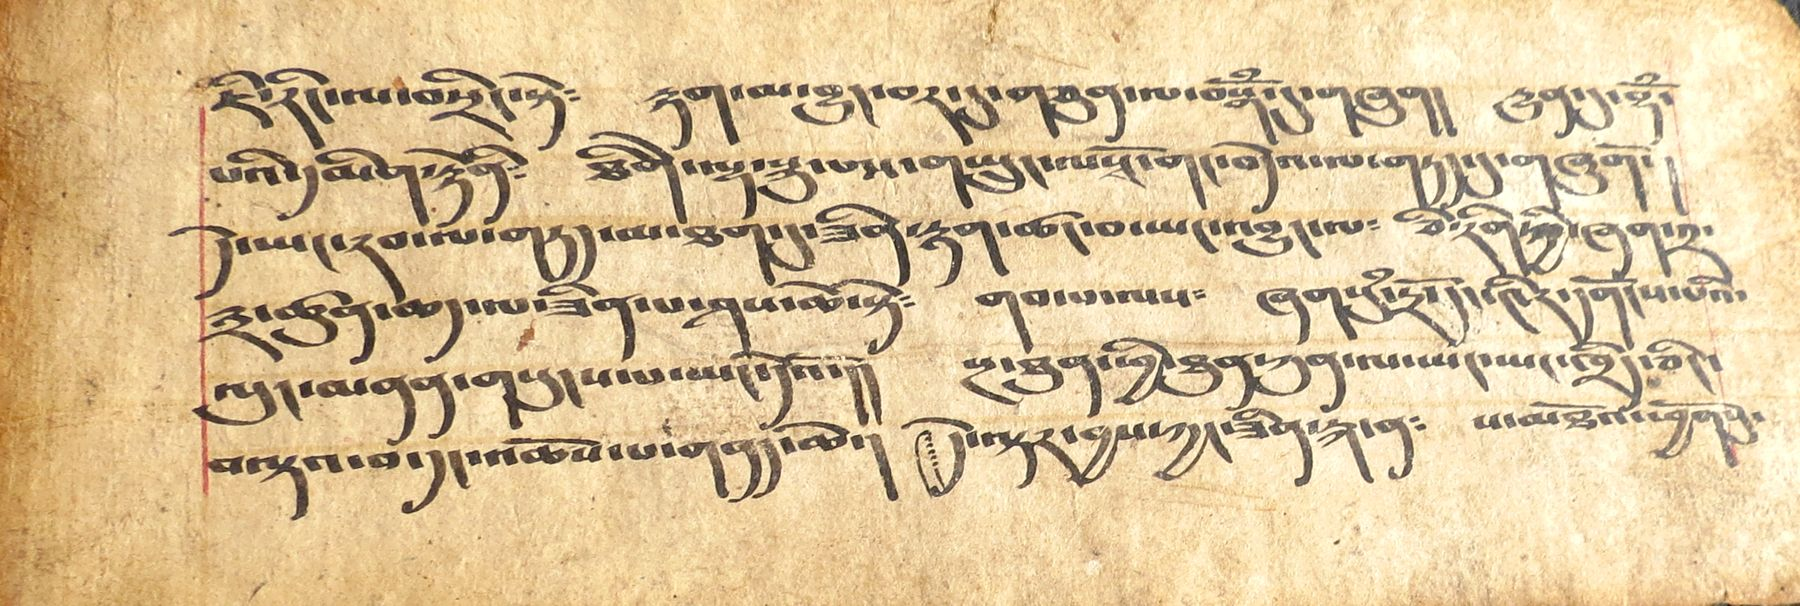ཇེ་རིང་ལ་བསྲིངས་ཏེ། རྟགས་མ་བྱུང་བར་དུ་གཅུན་ལ་བསྒོམ་དུ་གཞུག་གོ། རྒྱུན་དུ་བསྒོམ་
པའི་དམིགས་རྟེན་ནི། ཐིག་ལེ་ལྷ་སྐུ་ཨ་གཡུང་དྲུང་ལ་སོགས་གང་བདེ་ལ་གཏད་དུ་བཞུག་གོ། 
དེ་ཡང་རབ་ལ་གཏད་མ་ཐག་ཏུ་ཟིན་རྟགས་ཚང་པ་ཡང་འབྱུང་ལ། ཅི་རིགས་ཀྱིས་ཞག་གཉིས་
གསུམ་ཚུན་ཆད་ལ་ཟིན་པ་ཤས་ཆེ་སྟེ། གབ་པ་ལས། ཞག་གསུམ་གྲོས་དང་བཞི་དགོངས་པའི་
ལུང་མནན་གསུངས་པའང་དོན་དེའོ། ། སྔ་ཐུན་ཕྱི་ཐུན་ཀུན་ལ་ཡང་ཡང་ཁྲིད་ཅིང་
བལྟ་བ་དང་འཆོས་ས་གནད་ཆེ། དེ་ལྟར་བྱས་ཀྱང་ཟིན་དཀའ་ན། ས་མཐོ་ཕྱོགས་སུ་